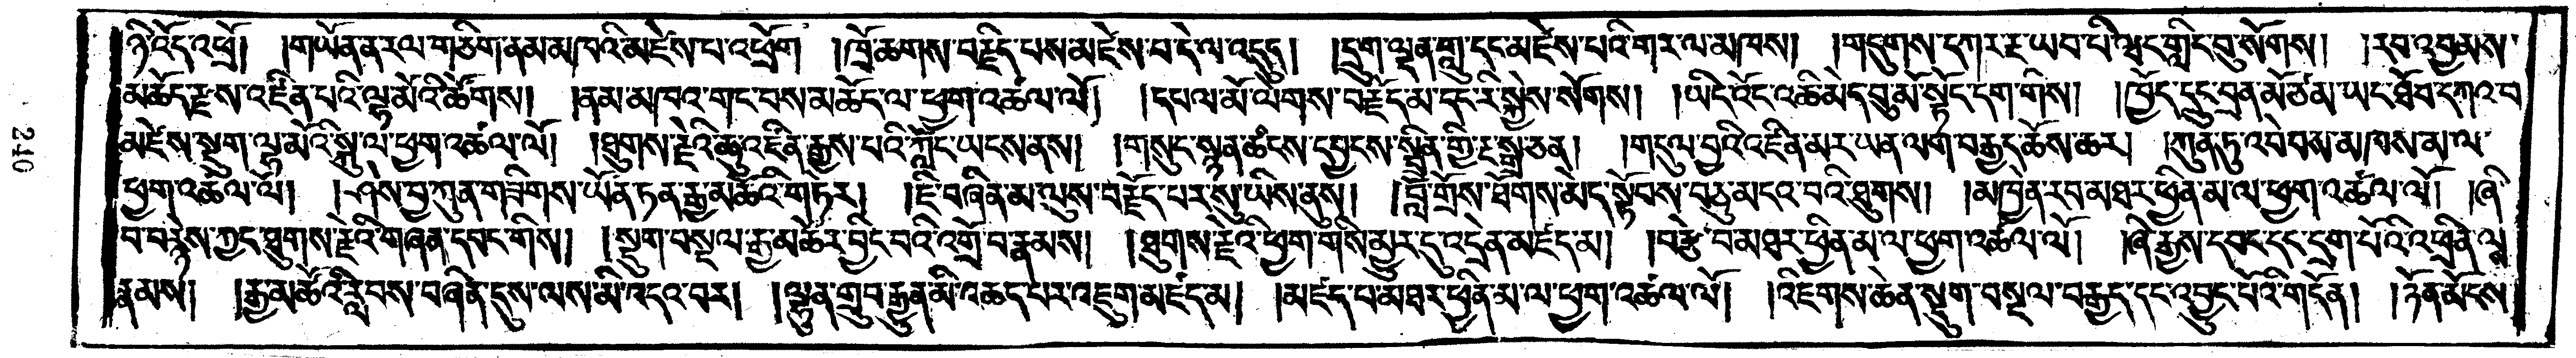ཉི་འོད་འཕྲོ། །གཡོན་ན་རལ་གཅིག་ནམ་མཁའི་མཛེས་པ་འཕྲོག །ཁྲོ་ཆགས་བརྗིད་པས་མཛེས་པ་དེ་ལ་འདུད། །དྲུག་ལྡན་གླུ་དང་མཛེས་པའི་གར་ལ་མཁས། །གདུགས་དཀར་རྔ་ཡབ་པི་ཝང་གླིང་བུ་སོགས། །རབ་འབྱམས་
མཆོད་རྫས་འཛིན་པའི་ལྷ་མོའི་ཚོགས། །ནམ་མཁའ་གང་བས་མཆོད་ལ་ཕྱག་འཚལ་ལོ། །དཔལ་མོ་ལེགས་བརྗོད་མ་དང་རི་སྐྱེས་སོགས། །ཡིད་འོང་འཆི་མེད་བུ་མོ་སྟོད་དག་གིས། །ཁྱོད་དྲུང་བྲན་མོ་ཙམ་ཡང་ཐོབ་དཀའ་བ་
མཛེས་སྡུག་ལྷ་མོའི་སྐུ་ལ་ཕྱག་འཚལ་ལོ། །ཐུགས་རྗེའི་ཆུ་འཛིན་རྒྱས་པའི་ཀློང་ཡངས་ནས། །གསུང་སྙན་ཚངས་དཔྱངས་སྤྲིན་གྱི་རྔ་སྒྲ་ཅན། །གདུལ་བྱའི་འཛིན་མར་ཡན་ལག་བརྒྱད་ཆོས་ཆར། །ཀུན་ཏུ་འབེབས་མཁས་མ་ལ་
ཕྱག་འཚལ་ལོ། །ཤེས་བྱ་ཀུན་གཟིགས་ཡོན་ཏན་རྒྱ་མཚོའི་གཏེར། །ཇི་བཞིན་མ་ལུས་བརྗོད་པར་སུ་ཡིས་ནུས། །བློ་གྲོས་ཐོགས་མེད་སྟོབས་བཅུ་མངའ་བའི་ཐུགས། །མཁྱེན་རབ་མཐར་ཕྱིན་མ་ལ་ཕྱག་འཚལ་ལོ། །ཞི་
བ་བརྙེས་ཀྱང་ཐུགས་རྗེའི་གཞན་དབང་གིས། །སྡུག་བསྔལ་རྒྱ་མཚོར་བྱིང་བའི་འགྲོ་བ་རྣམས། །ཐུགས་རྗེའི་ཕྱག་གིས་མྱུར་དུ་འདྲེན་མཛད་མ། །བརྩེ་བ་མཐར་ཕྱིན་མ་ལ་ཕྱག་འཚལ་ལོ། །ཞི་རྒྱས་དབང་དང་དྲག་པོའི་འཕྲིན་ལས་
རྣམས། །རྒྱ་མཚོའི་རླབས་བཞིན་དུས་ལས་མི་འདའ་བར། །ལྷུན་གྲུབ་རྒྱུན་མི་འཆད་པར་འཇུག་མཛད་མ། །མཛད་པ་མཐར་ཕྱིན་མ་ལ་ཕྱག་འཚལ་ལོ། །འཇིགས་ཆེན་སྡུག་བསྔལ་བརྒྱད་དང་འབྱུང་པོའི་གདོན། །ཉོན་མོངས་